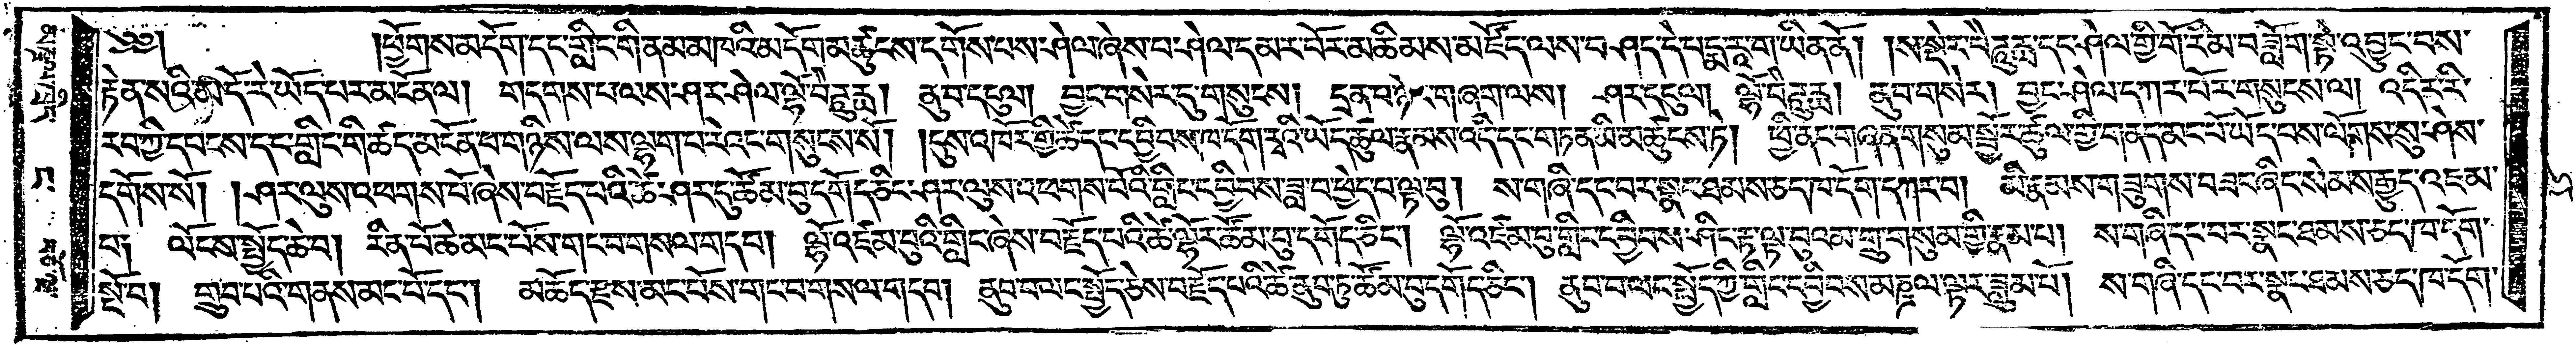༄༅། །ཕྱོགས་མདོག་དང་གླིང་གི་ནམ་མཁའི་མདོག་མཚུངས་དགོས་པས་ཤེལ་ཞེས་པ་ཤེལ་དམར་བོར་མཆིམས་མཛོད་ལས་བཤད་དེ་པདམ་རཱ་ག་ཡིན་ནོ། །ས་སྡེར་བཻཌཱུརྱ་དང་ཤེལ་གྱི་གོ་རིམ་བཟློག་སྟེ་འབྱུང་བས་
རྟེན་སའི་མདོ་རེ་ཡོད་བར་མངོན་ལ། གདགས་པ་ལས་ཤར་ཤེལ་ལྷོ་བཻཌཱུརྱ། ནུབ་དངུལ། བྱང་གསེར་དུ་གསུངས། དྲན་པ་ཉེར་གཞག་ལས། ཤར་དངུལ། ལྷོ་བཻཌཱུརྱ། ནུབ་གསེར། བྱང་ཤེལ་དཀར་པོར་གསུངས་ལ། འདིར་རི་
རབ་ཀྱི་དཔངས་དང་གླིང་གི་ཚད་མངོན་པ་གཉིས་ལས་ལྷག་པ་རེའང་གསུངས་སོ། །དུས་འཁོར་གྱི་ཚེ་དང་དབྱིབས་ཁ་དོག་རྭའི་ཡོད་ཚུལ་རྣམས་འདི་དང་གཏན་མི་མཚུངས་ཏེ། ཕྱི་ནང་གཞན་གསུམ་སྦྱོར་ཚུལ་གྱི་གནད་མང་པོ་ཡོད་པས་ལོགས་སུ་ཤེས་
དགོས་སོ། །ཤར་ལུས་འཕགས་པོ་ཞེས་བརྗོད་པའི་ཚེ་ཤར་དུ་ཚོམ་བུ་དགོད་ཅིང་ཤར་ལུས་འཕགས་པོའི་གླིང་དབྱིབས་ཟླ་བ་ཕྱེད་པ་ལྟ་བུ། ས་གཞི་དང་བར་སྣང་ཐམས་ཅད་ཁ་དོག་དཀར་བ། མི་རྣམས་གཟུགས་བཟང་ཞིང་སེམས་རྒྱུད་འཇམ་
བ༑ ལོངས་སྤྱོད་ཆེ་བ། རིན་པོ་ཆེ་མང་པོས་གང་བ་གསལ་གདབ། ལྷོ་འཛམ་བུའི་གླིང་ཞེས་བརྗོད་བའི་ཚེ་ལྷོར་ཆོམ་བུ་དགོད་ཅིང་། ལྷའོ་འཛམ་བུ་གླིང་དབྱིངས་ཤིང་རྟ་ལྟ་བུའམ་གྲུ་གསུམ་གྱི་རྣམ་པ། ས་གཞི་དང་བར་སྣང་ཐམས་ཅད་ཁ་དོག་
སྔོ་བ། གྲུབ་པའི་གནས་མང་པོ་དང་། མཆོད་རྫས་མང་པོས་གང་བ་གསལ་གདབ། ནུབ་པ་ལང་སྤྱོད་ཅེས་བརྗོད་པའི་ཚེ་ནུབ་ཏུ་ཚོམ་བུ་དགོད་ཅིང་། ནུབ་བ་ལང་སྤྱོད་ཀྱི་གླིང་དབྱིབས་མཎྜལ་ལྟར་ཟླུམ་པོ། ས་གཞི་དང་བར་སྣང་ཐམས་ཅད་ཁ་དོག་